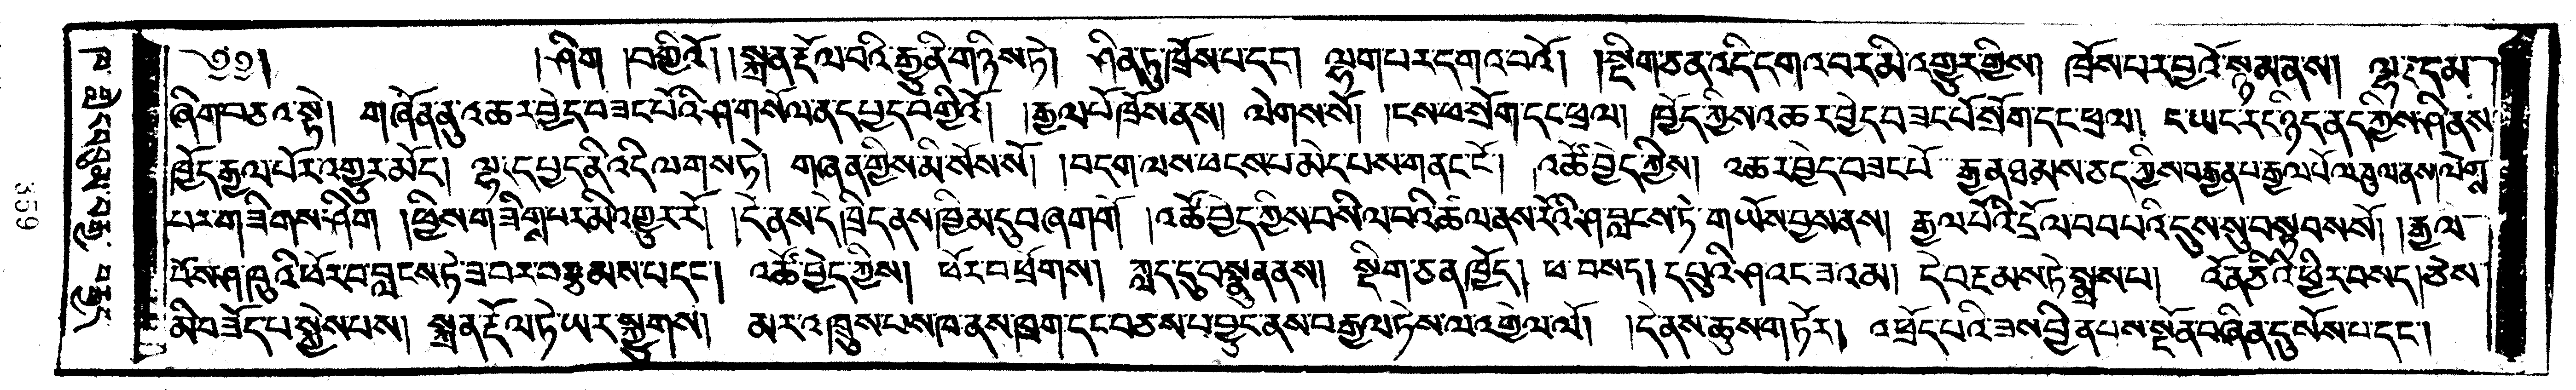༄༅། །ཤིག །བགྱིའོ། །སྐྲན་རྡོལ་བའི་རྒྱུ་ནི་གཉིས་ཏེ། ཤིན་ཏུ་ཁྲོས་པ་དང་། ལྷག་པར་དགའ་བའོ། །སྡིག་ཅན་འདི་དགའ་བར་མི་འགྱུར་གྱིས། ཁྲོས་པར་བྱའོ་སྙམ་ནས། ལྷ༑ དམ་
ཞིག་བཅའ་སྟེ། གཞོན་ནུ་འཆར་བྱེད་བཟང་པོའི་ཤ་གསོལ་ན་དཔྱད་བགྱིའོ། །རྒྱལ་པོ་ཁྲོས་ནས། ལེགས་སོ། །ངས་ཕ་སྲོག་དང་ཕྲལ། ཁྱོད་ཀྱིས་འཆར་བྱེད་བཟང་པོ་སྲོག་དང་ཕྲལ། ང་ཡང་རང་ཉིད་ནད་ཀྱིས་ཤི་ནས་
ཁྱོད་རྒྱལ་པོར་འགྱུར་མོང་། ལྷ༑ དཔྱད་ནི་འདི་ལགས་ཏེ། གཞན་གྱིས་མི་སོས་སོ། །བདག་ལས་ཕངས་པ་མེད་པས་གནང་ངོ། །འཚོ་བྱེད་ཀྱིས། འཆར་བྱེད་བཟང་པོ་རྒྱན་ཐམས་ཅད་ཀྱིས་བརྒྱན་པ་རྒྱལ་པོ་ལ་བུལ་ནས་ལེགས་
པར་གཟིགས་ཤིག །ཕྱིས་གཟིགས་པར་མི་འགྱུར་རོ། །དེ་ནས་དེ་ཁྲིད་ནས་ཁྱིམ་དུ་བཞག་གོ །འཚོ་བྱེད་ཀྱིས་བསིལ་བའི་ཚལ་ནས་རོའི་ཤ་བླངས་ཏེ་གཡོས་བྱས་ནས། རྒྱལ་པོའི་དྲོ་ལ་བབ་པའི་དུས་སུ་བསྟབས་སོ། །རྒྱལ་
པོས་ཤ་ཁུའི་ཕོར་བ་བླངས་ཏེ་ཟ་བར་བརྩམས་པ་དང་། འཚོ་བྱེད་ཀྱིས། ཕོར་བ་ཕྲོགས། ཀླད་དུ་བསྣུན་ནས། སྡིག་ཅན་ཁྱོད། ཕ་བསད། དབུའི་ཤ་འང་ཟ་འམ། དེ་བརྔམས་དེ་སྨྲས་པ། འོན་ཅིའི་ཕྱིར་བསད། ཅེས་
མི་བཟོད་པ་སྐྱེས་པས། སྐྲན་རྡོལ་ཏེ་ཡར་སྐྱུགས། མར་འཁྲུས་པས་ཁ་ནས་ཁྲག་དང་བཅས་པ་བྱུང་ནས་བརྒྱལ་ཏེ་ས་ལ་འགྱེལ་ལོ། །དེ་ནས་ཆུས་གཏོར། འཕྲོད་པའི་ཟས་བྱིན་པས་སྔོན་བཞིན་དུ་སོས་པ་དང་།